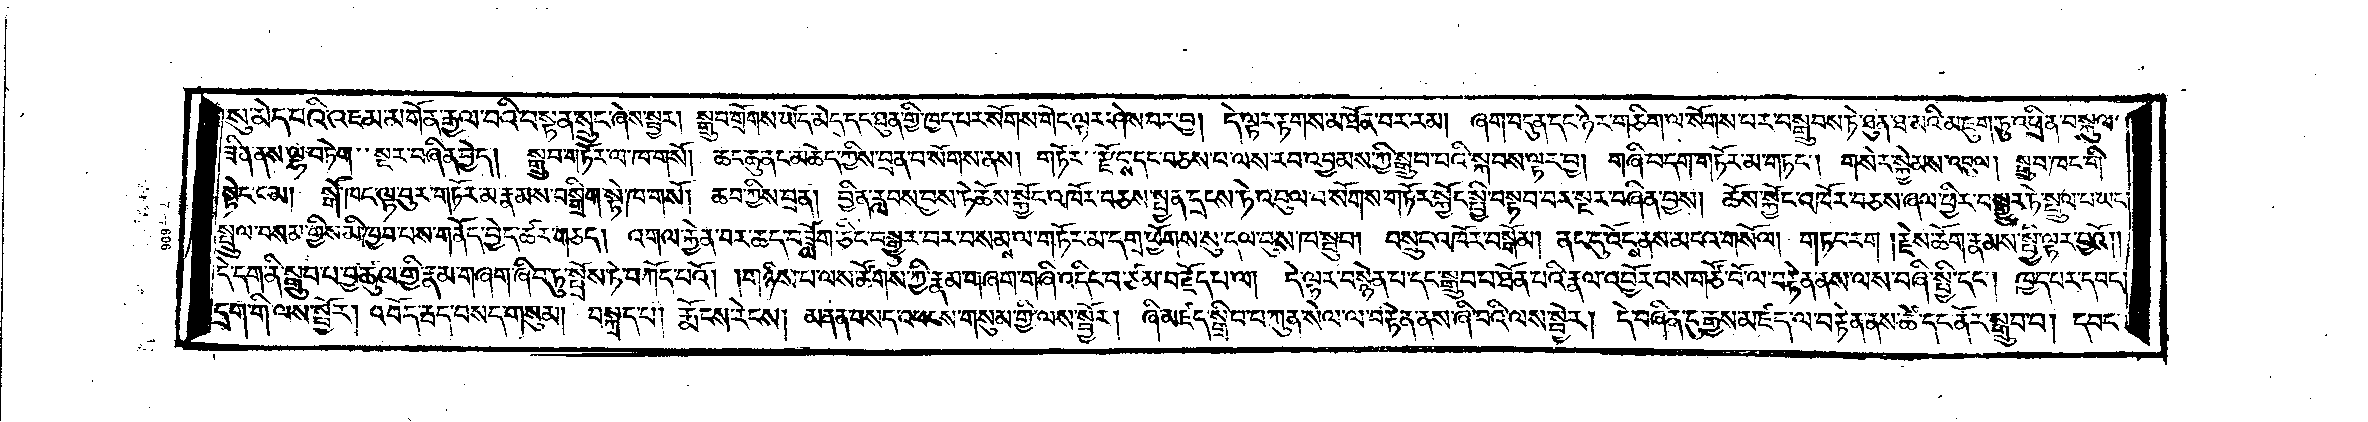སུ་མེད་པའི་འཇམ་མགོན་རྒྱལ་བའི་བསྟན་སྲུང་ཞེས་སྦྱར། སྒྲུབ་གྲོགས་ཡོད་མེད་དང་ཐུན་གྱི་ཁྱད་པར་སོགས་གོང་ལྟར་ཤེས་བར་བྱ། དེ་ལྟར་རྟགས་མ་ཐོན་བར་རམ། ཞག་བདུན་དང་ཉེར་གཅིག་ལ་སོགས་པར་བསྒྲུབས་ཏེ་ཐུན་ཐ་མའི་མཇུག་ཏུ་འཕྲིན་བསྐུལ་
ཟིན་ནས་ལྷ་བཏེག་སྔར་བཞིན་བྱེད། །སྒྲུབ་གཏོར་ལ་ཁ་གསོ། ཆང་ཆུ་ནང་མཆོད་ཀྱིས་བྲན་པ་སོགས་ནས། གཏོར་རྫོངས་དང་བཅས་པ་ལས་རབ་འབྱམས་ཀྱི་སྒྲུབ་པའི་སྐབས་ལྟར་བྱ། གཞི་བདག་གཏོར་མ་གཏང་། གསེར་སྐྱེམས་འབུལ། སྒྲུབ་ཁང་གི་
སྟེང་ངམ། སྒོ་ཁང་ལྟ་བུར་གཏོར་མ་རྣམས་བསྒྲིག་སྟེ་ཁ་གསོ། ཆབ་ཀྱིས་བྲན། བྱིན་རླབས་བྱས་ཏེ་ཆོས་སྐྱོང་འཁོར་བཅས་སྤྱན་དྲངས་ཏེ་འབུལ་བ་སོགས་གཏོར་སྐྱོང་སྤྱི་བསྟབ་པར་སྔར་བཞིན་བྱས། ཆོས་སྐྱོང་འཁོར་བཅས་ཞལ་ཕྱིར་བསྒྱུར་ཏེ་སྦྲུལ་པ་ཡང་
སྤྲུལ་བསམ་གྱིས་མི་ཁྱབ་པས་གནོད་བྱེད་ཚར་གཅད། འགལ་རྐྱེན་པར་ཆད་བཟློག་ཅིང་བསྒྱུར་བར་བསམས་ལ་གཏོར་མ་དགྲ་ཕྱོགས་སུ་དལ་བུས་ཁ་སྦུབ། བསྲུང་འཁོར་བསྒོམ། ནང་དུ་འོངས་ནས་མངའ་གསོལ། གཏང་རག །རྗེས་ཆོག་རྣམས་སྤྱི་ལྟར་བྱའོ།།
དེ་དག་ནི་སྒྲུབ་པ་བྱ་ཚུལ་གྱི་རྣམ་གཞག་ཞིབ་ཏུ་སྤྲོས་ཏེ་བཀོད་པའོ། །གསུམ་པ་ལས་ཚོགས་ཀྱི་རྣམ་གཞག་གཞི་འདིང་བ་ཙམ་བརྗོད་པ་ལ། དེ་ལྟར་བསྙེན་པ་དང་སྒྲུབ་པ་ཐོན་པའི་རྣལ་འབྱོར་པས་གཙོ་བོ་ལ་བརྟེན་ནས་ལས་བཞི་སྤྱི་དང་། ཁྱད་པར་དབང་
དྲག་གི་ལས་སྦྱོར། འབོད་རྦད་བསད་གསུམ། བསྐྲད་པ། རྨོངས་རེངས། མནན་བསད་འཕངས་གསུམ་གྱི་ལས་སྦྱོར། ཞི་མཛད་སྒྲིབ་པ་ཀུན་སེལ་ལ་བརྟེན་ནས་ཞི་བའི་ལས་སྦྱོར། དེ་བཞིན་དུ་རྒྱས་མཛད་ལ་བརྟེན་ནས་ཚེ་དང་ནོར་སྒྲུབ་པ། དབང་